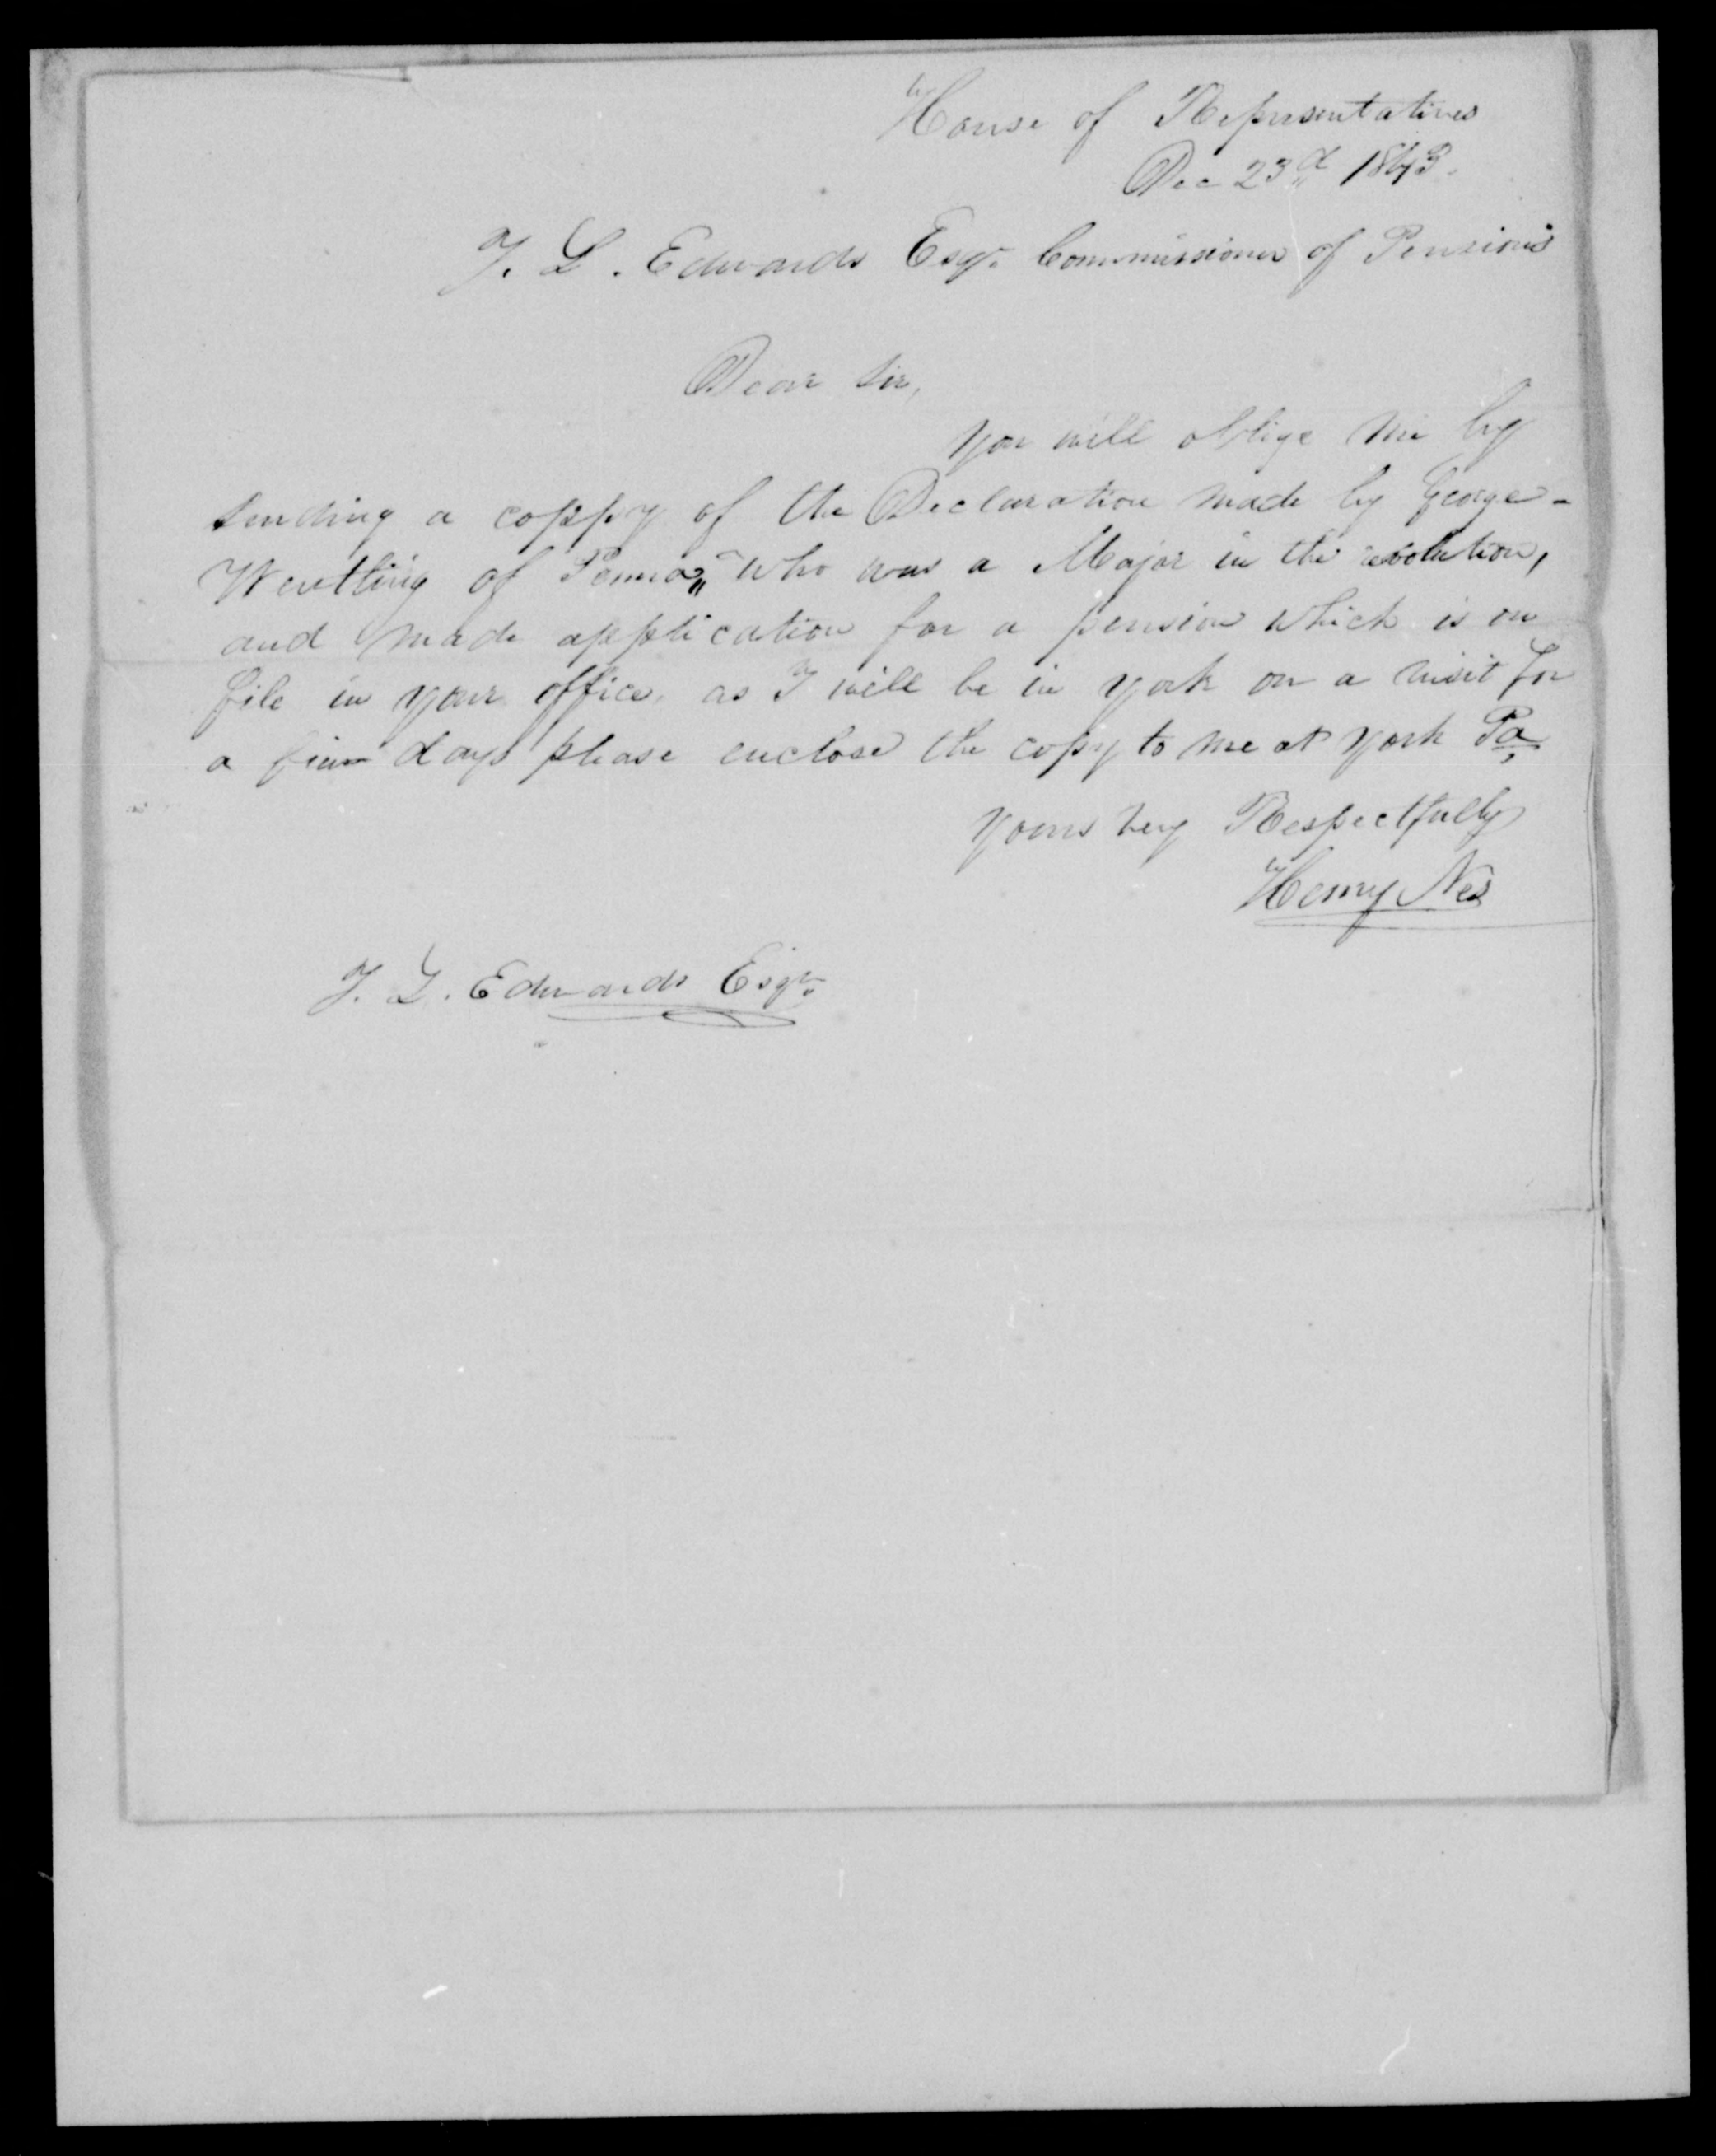House of Representatives
Dec 23d 1843
J. L. Edwards Esq Commissioner of Pensions
Dear Sir,
You will oblige me by sending a coppy of the Declaration made by George Wentling of Penna. who was a Major in the revolution, and made application for a pension which is on file in your office, as I will be in York on a visit for five days please enclose the copy to me at York Pa.
Yours very Respectfully
Henry Nes
J. L. Edwards Esqr.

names: J L Edwards, George Wentling, Henry Nes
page: 66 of 68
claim: survivor's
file: S. 6,358, George Wentling, Penn.